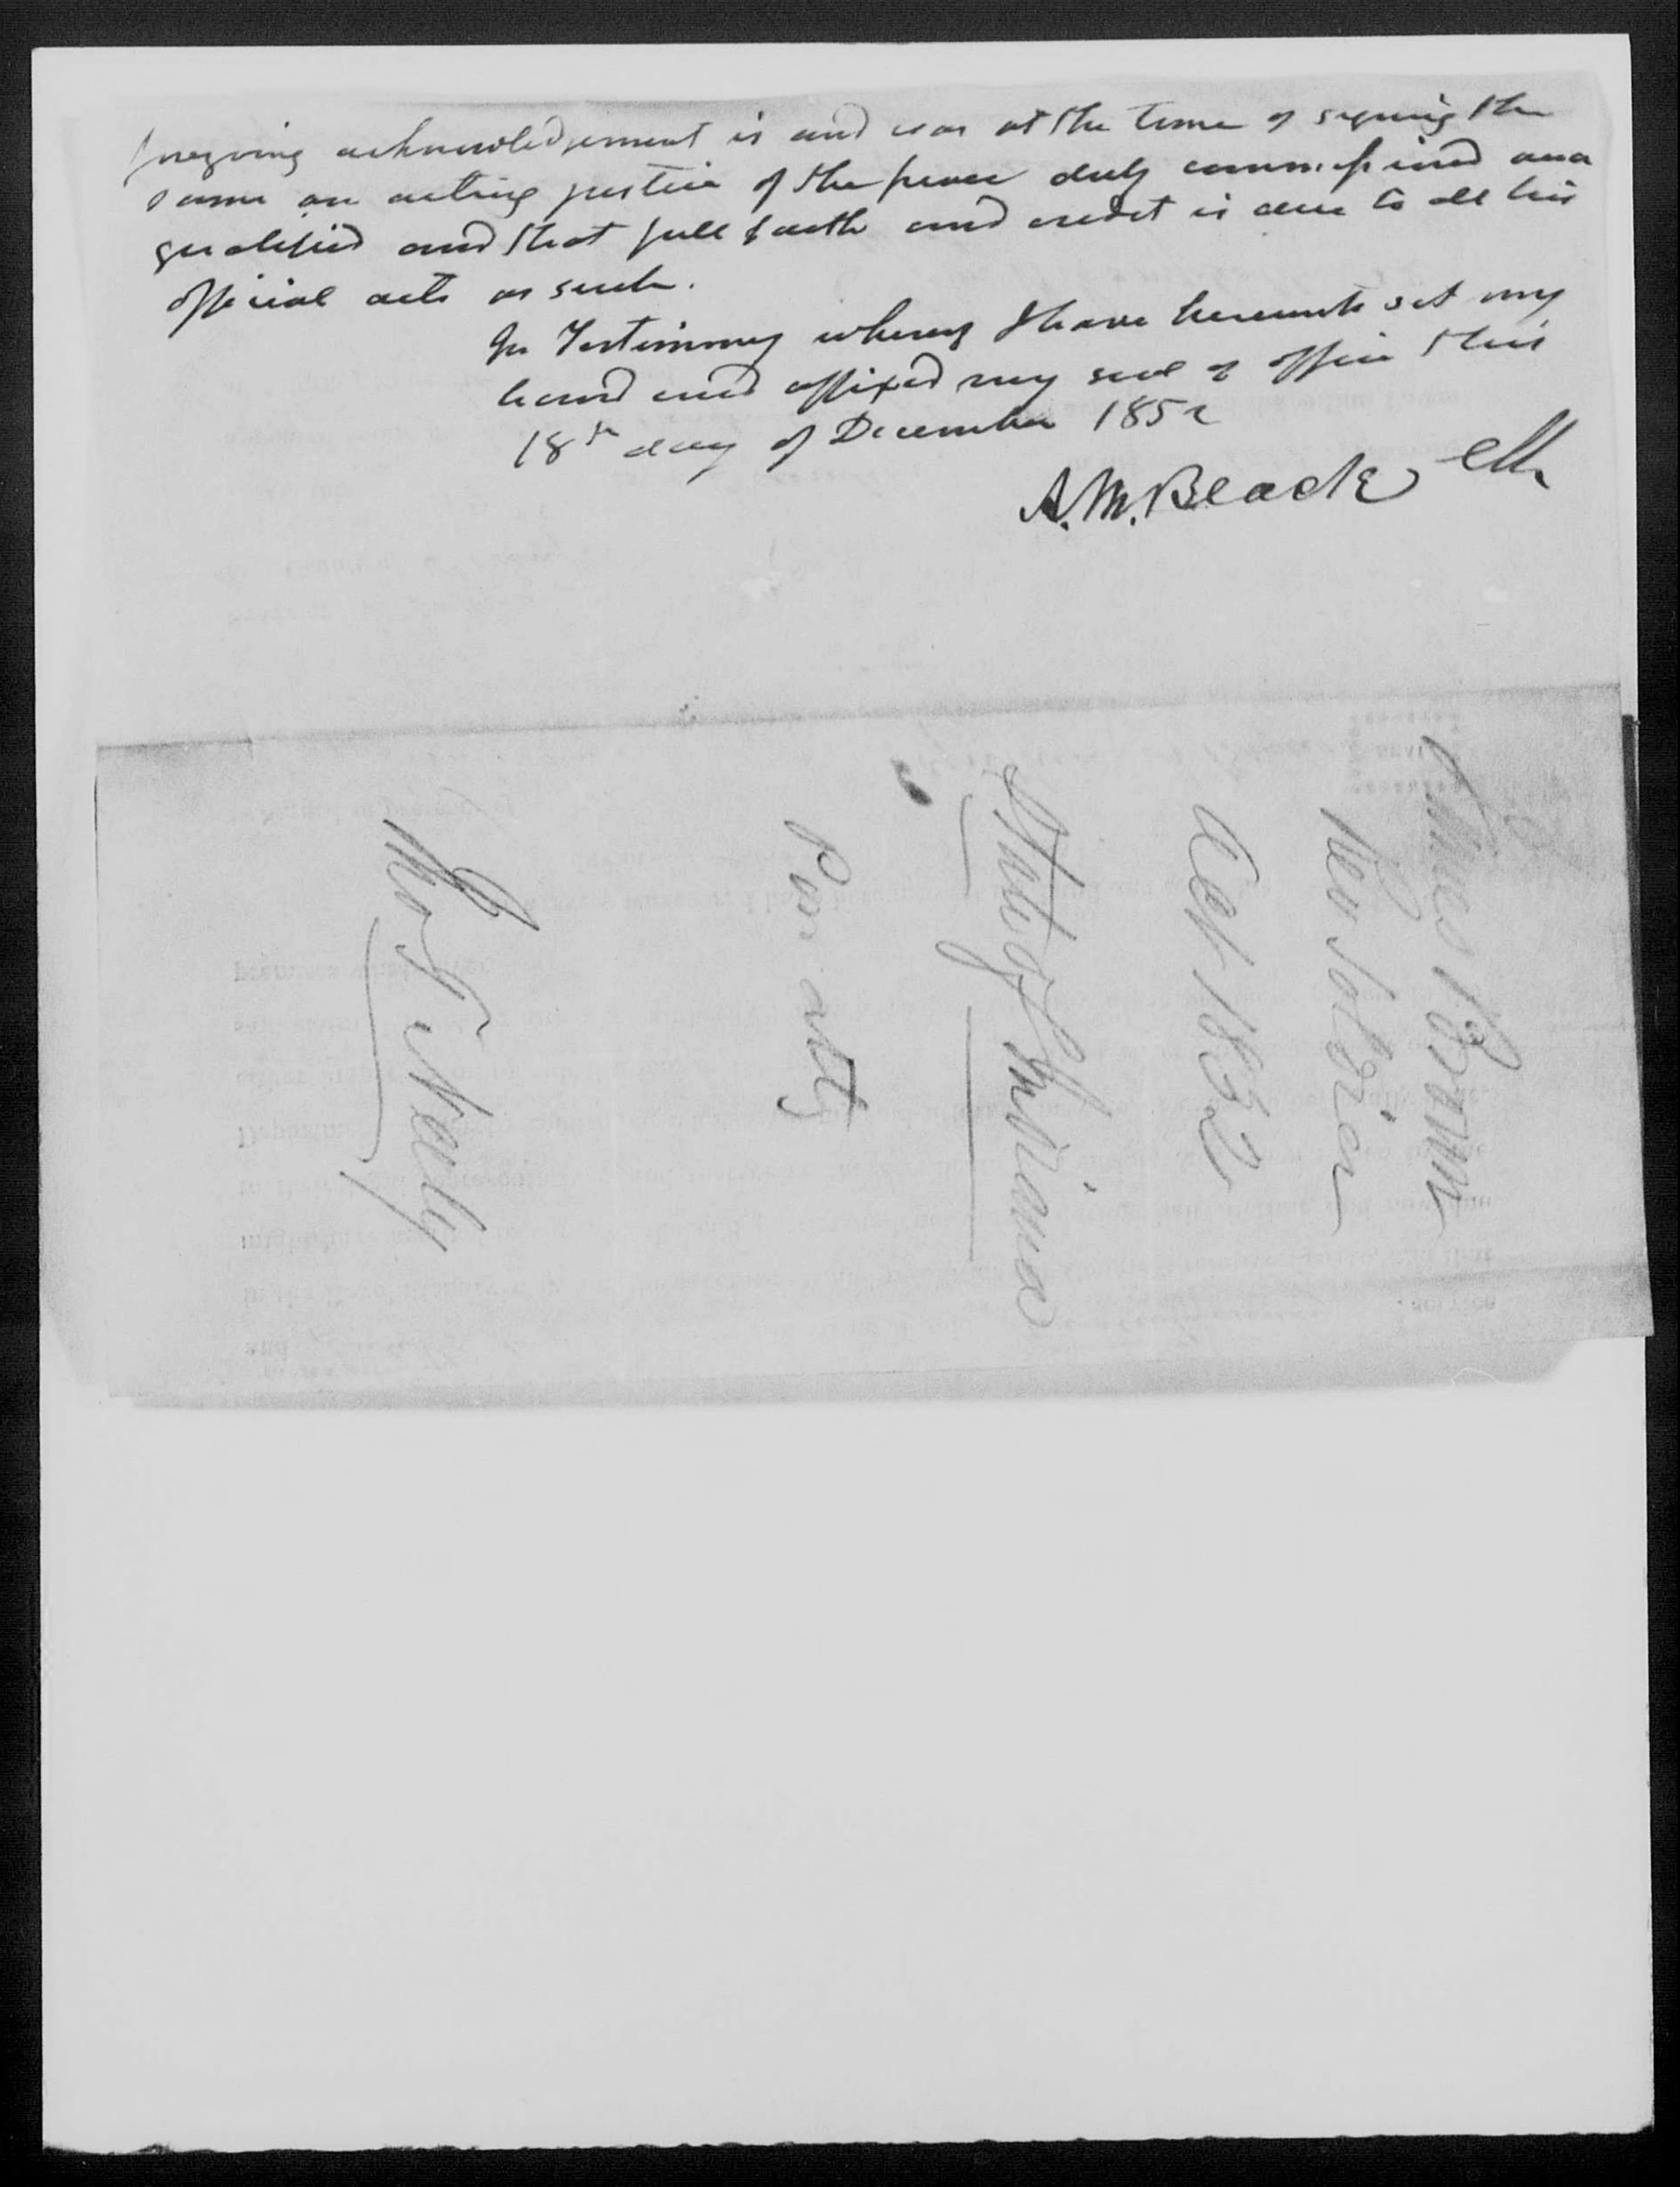foregoing acknowledgement is and was at the time of signing the same an acting Justice of the peace duly commissioned and qualified and that full faith and credit is due to all his
official acts as such.
In Testimony whereof I have hereunto set my hand and affixed my seal of Office this 18th day of December 1852
s/ A.M. Black clerk

James Brown Rev soldier Act 1832
State of Indiana
Pow Atty
Jno T Neely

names: James Brown, Jno T Neely, A M Black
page: 28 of 41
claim: rejected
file: R. 1309, James Brown, S.C.